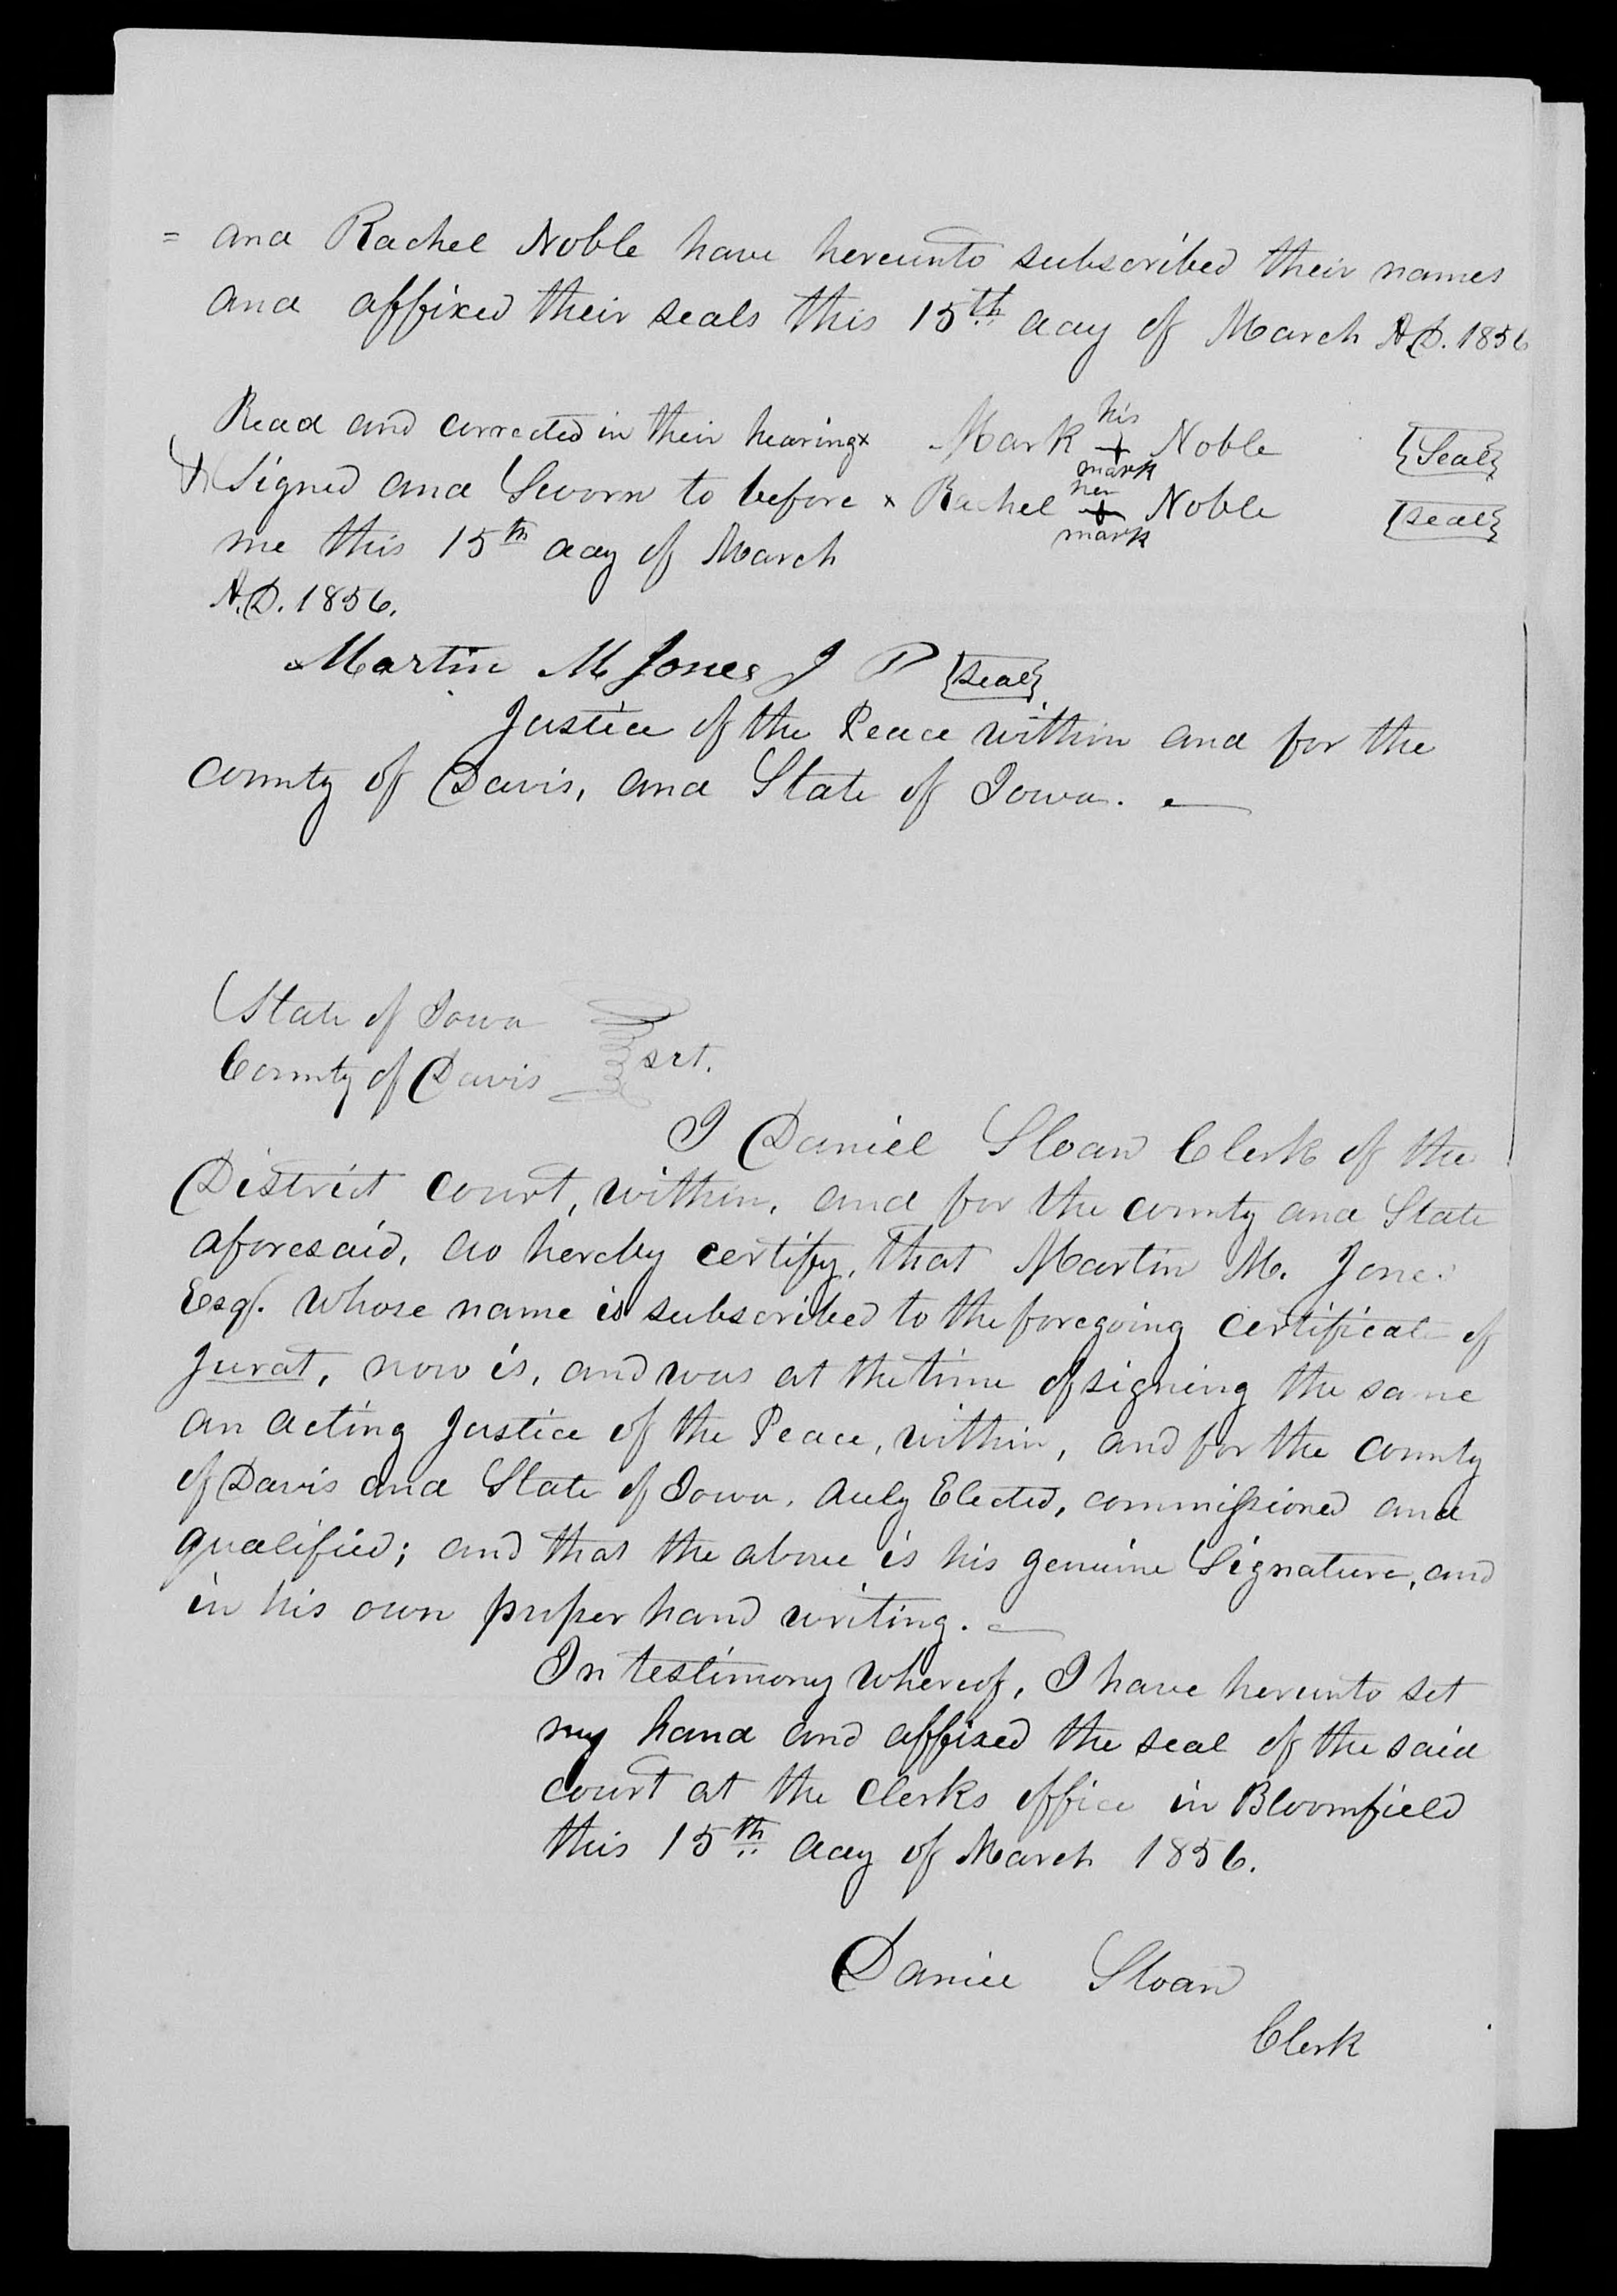and Rachel Noble have hereunto subscribed their names and affixed their seals this 15th day of March AD. 1856 
Read and corrected in their hearing  x Mark his mark Noble (Seal)
& Signed and sworn to before x Rachel her mark Nobel (Seal)
me this 15th day of March A.D. 1856.
Martin M Jones J P (Seal)
Justice of the Peace within and for the County of Davis, and State of Iowa

State of Iowa }
County of Davis } act.
I Daniel Sloan Clerk of the District Court, within and for the County and State aforesaid, do hereby certify that Martin M. Jones Esq. whose name is subscribed to the foregoing certificate of Jurat, now is, and was at the time of signing the same an acting Justice of the Peace, within and for the County of Davis and State of Iowa, duly Elected, commissioned and qualified; and that the above is his genuine signature, and in his own proper hand writing.
In testimony whereof, I have hereunto set my hand and affixed the seal of the said Court at the Clerks office in Bloomfield this 15th day of March 1856 
Daniel Sloan 
Clerk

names: Martin M Jones; Rachel Noble; Daniel Sloan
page: 57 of 69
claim: widow's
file: W. 10861, for James Patterson, North Carolina